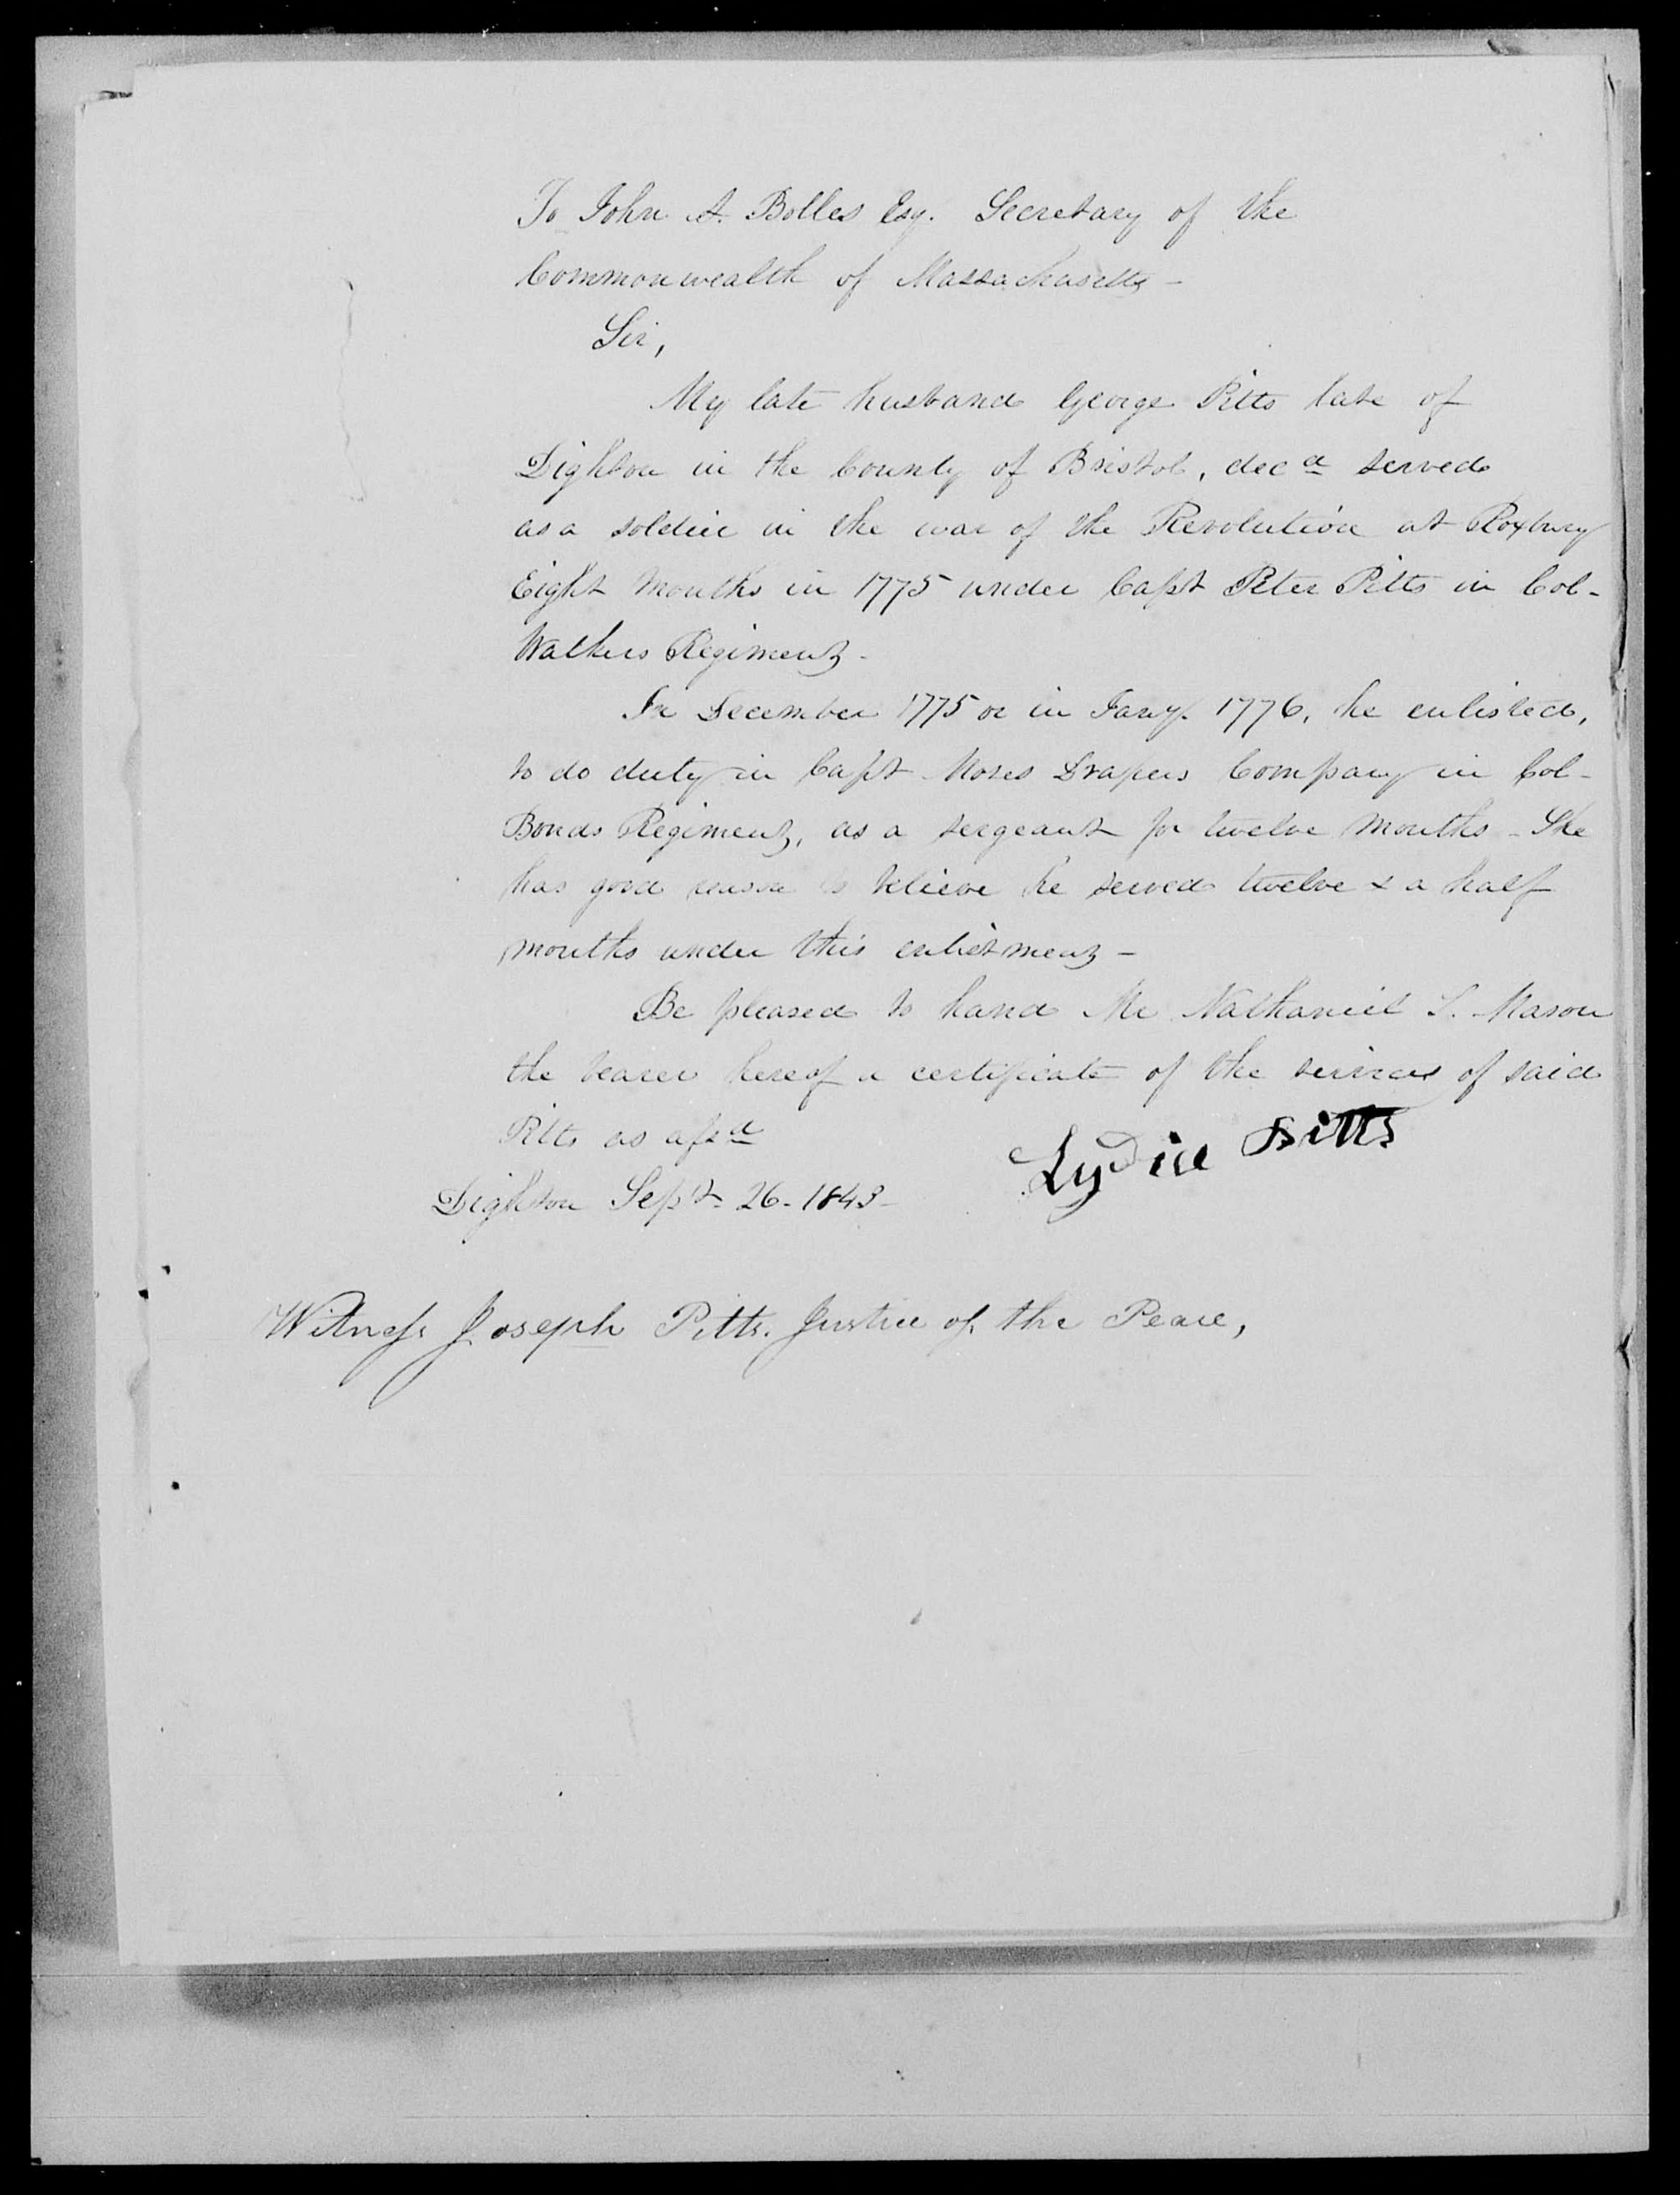To John A. Bolles Esq. Secretary of the
Commonwealth of Massachusetts-
Sir,
My late husband George Pitts late of
Dighton in the County of Bristol, decd served
as a soldier in the war of the Revolution at Roxbury Eight months in 1775 under Capt Peter Pitts in Col. Walkers Regiment.
In December 1775 or in Jany 1776, he enlisted
to do duty in Capt Moses Drapers Company in Col. Bonds Regiment, as a sergeant for twelve months. He has good reason to believe he served twelve & a half months under this enlistment.
Be pleased to hand Mr. Nathaniel L. Mason
the bearer hereof a certificate of the services of said Pitts as afsd
Dighton Sept. 26. 1843
Lydia Pitts
Witness Joseph Pitts Justice of the Peace,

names: Joseph Pitts; Lydia Pitts; George Pitts; Peter Pitts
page: 19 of 54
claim: widow's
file: W. 26,897, for George Pitts, Massachusetts